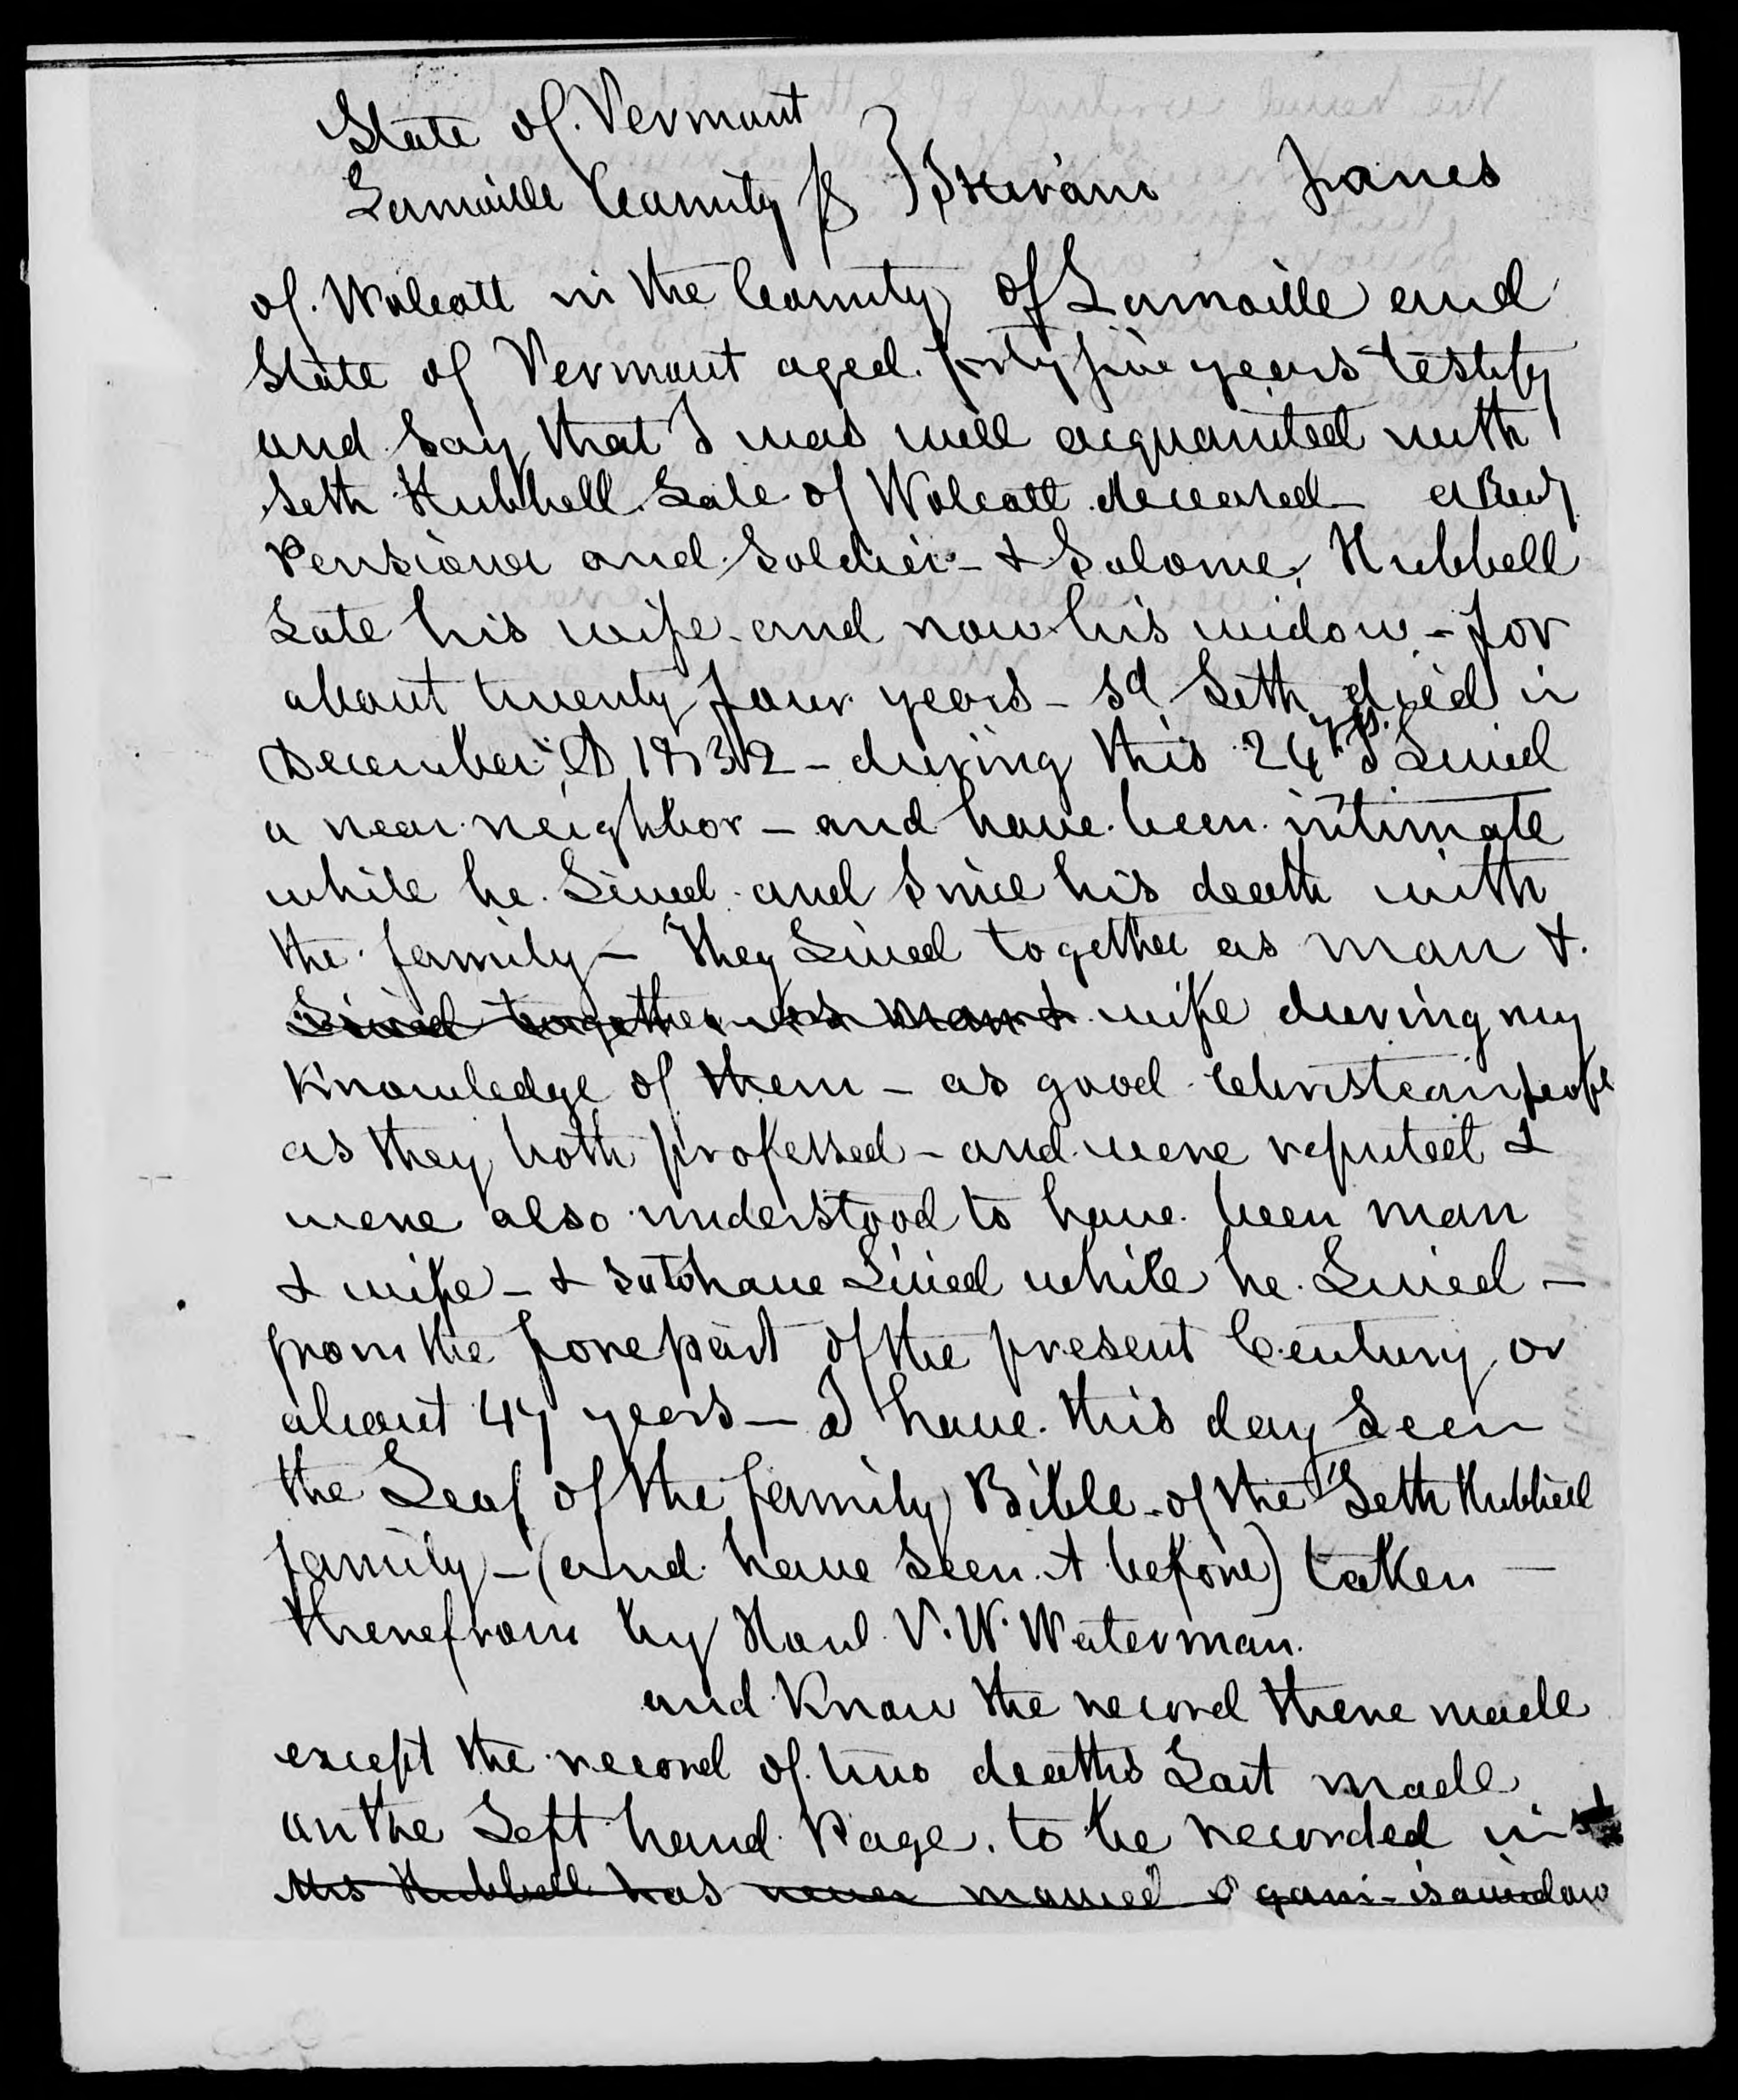State of Vermont   }
Lamoille County ss } I Hiram Jones of Walcott in the County of Lamoille and state of Vermont aged forty five years testify and say that I was well acquainted with Seth Hubbell late of Walcott deceased a Revy Pensioner and soldier _ & Salome Hubbell late his wife and now his widow _ for about twenty four years _ sd Seth died in December AD 1832 _ during this 24 yrs lived a near neighbor _ and have been intimate while he lived and since his death with the family - they lived together as man & *lived together as man &* [*crossed out*] wife during my knowledge of - as good Christian people as they both professed - and were reputed & were also understood to have been man & wife _ & so to have lived while he lived - from the forepart of the present Century or about 47 years - I have this day seen the leaf of the family Bible of the Seth Hubbell family - (and have seen it before) taken therefrom by Honl V.W. Waterman and know the record there made except the record of his two deaths last made on the left hand page to the recorded in *sd Mrs Hubbell has never married again is a widow* [*crossed out*]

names: Salome Hubbell, V W Waterman, Hiram Jones, Seth Hubbell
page: 24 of 114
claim: widow's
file: W. 2115, Seth Hubbell, Conn.